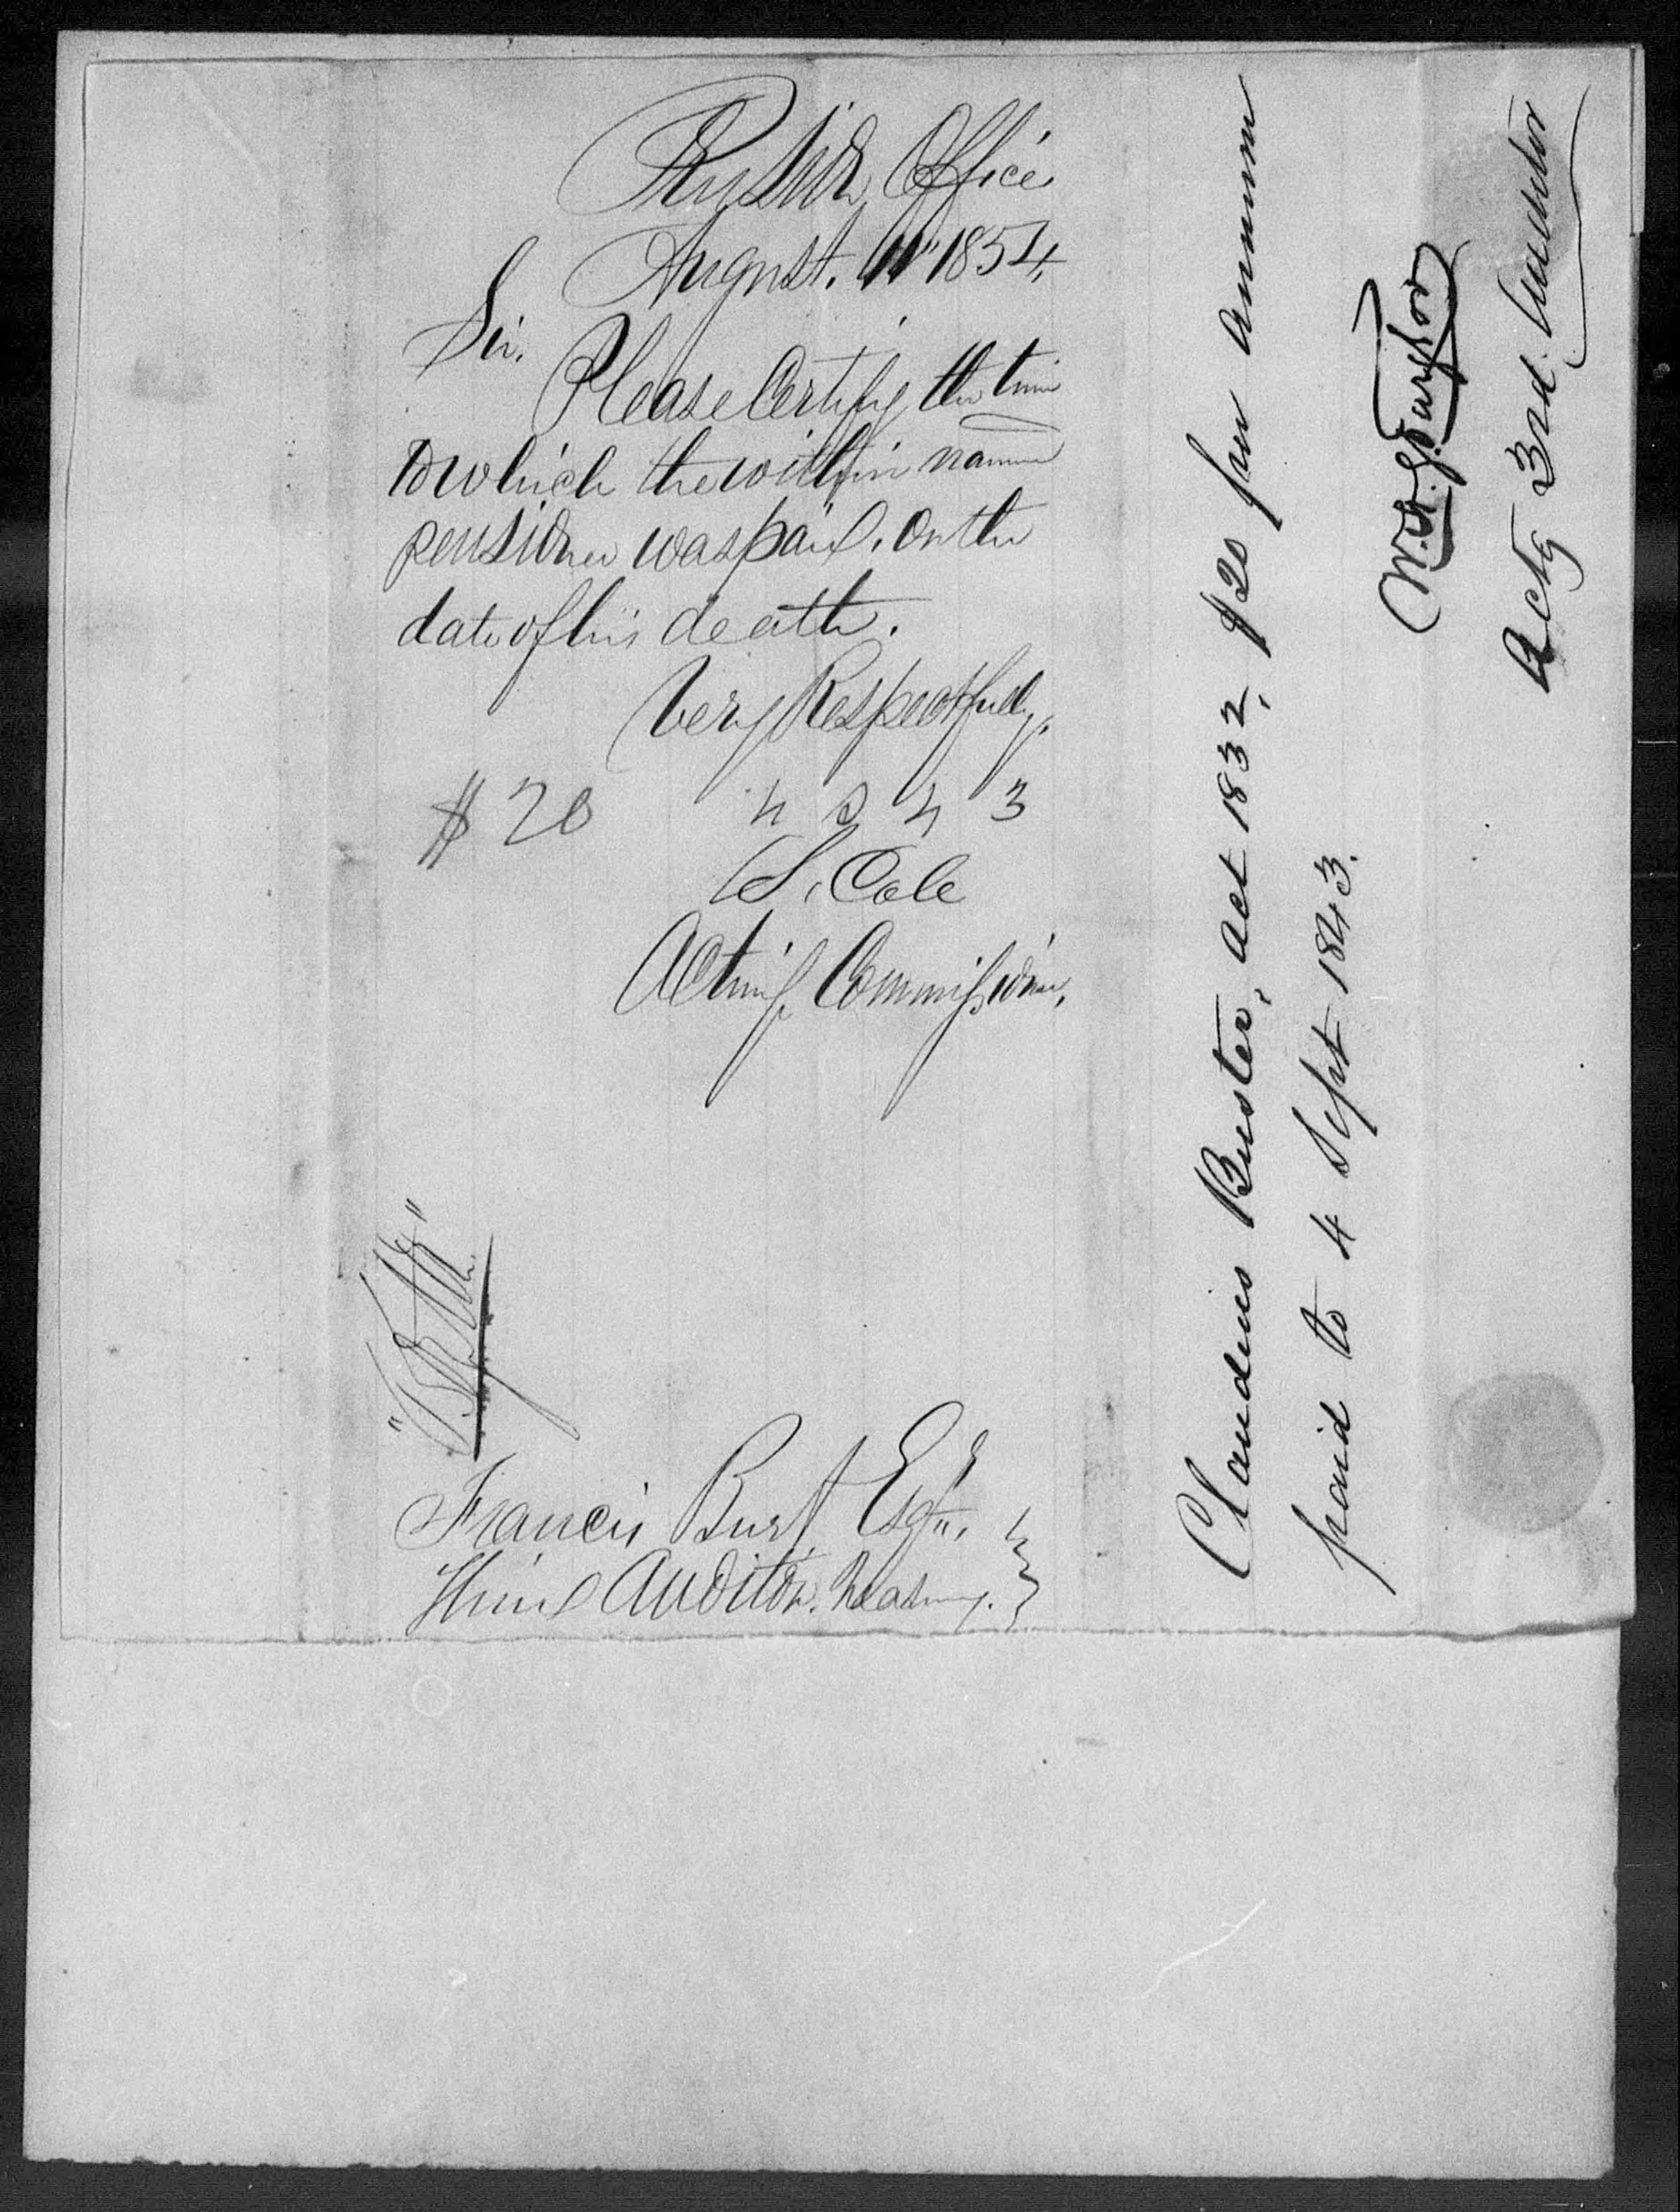Pension Office
August 11" 1854,

Sir,
Please certify the time to which the within named pensioner was paid. On the date of his death.

Very Respectfully,
$20 
S. Cole
Acting Commissioner.

Francis Burt Esqr
Third Auditor [illegible]

"Boynton"

Claudius Buster, act 1832, $20 per annum paid to 4 Sept 1843.
W. A. G. Taylor
actg 3rd Auditor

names: S Cole, Claudius Buster, W A G Taylor, Francis Burt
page: 36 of 71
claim: widow's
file: W. 25310, Claudius Buster, Va.